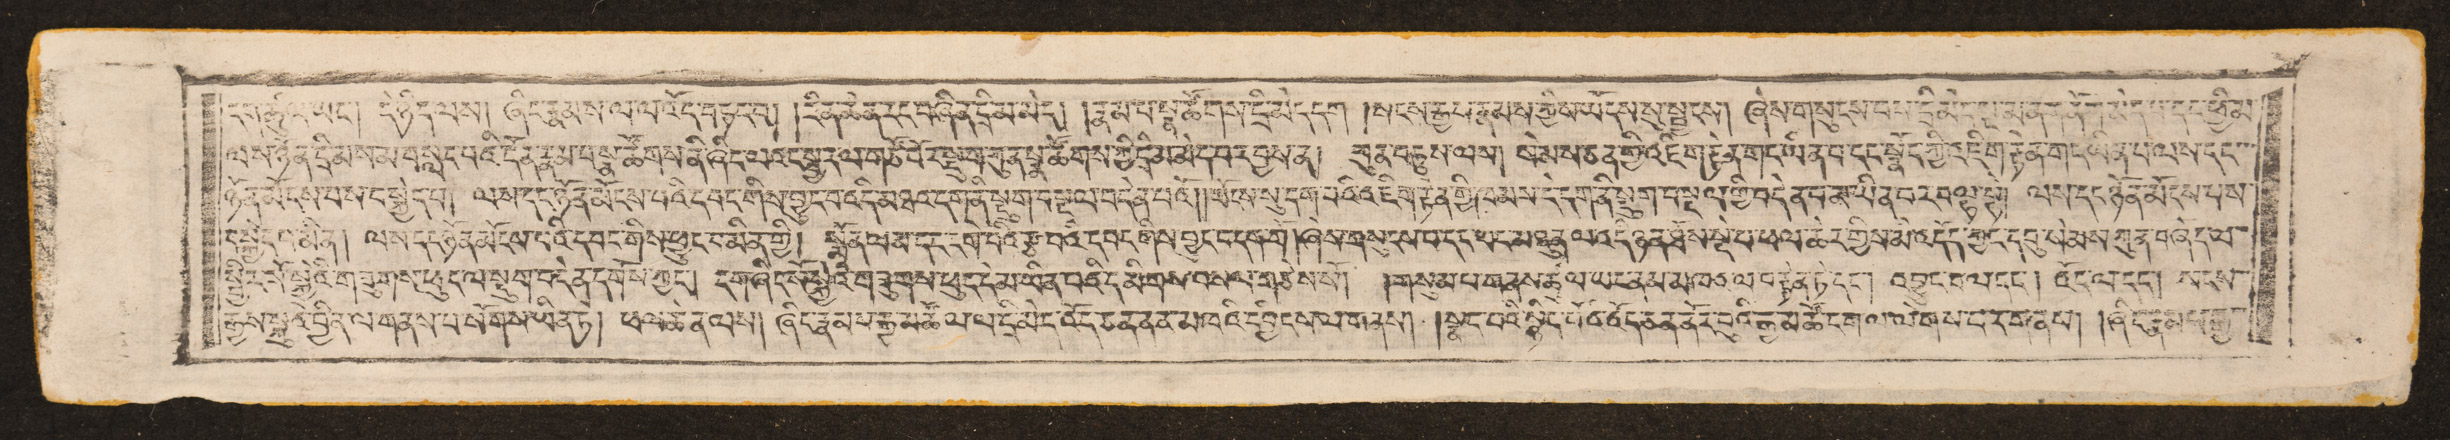དག་ཚུལ་ཡང་། དེ་ཉིད་ལས། ཞིང་རྣམས་ལ་ལ་འོད་བཏང་བ། །རིན་ཆེན་རང་བཞིན་དྲི་མ་མེད། །རྣམ་པ་སྣ་ཚོགས་དྲི་མེད་དག །སངས་རྒྱས་རྣམས་ཀྱིས་ཡོངས་སུ་སྦྱངས། ཞེས་གསུངས་པས་དྲི་མེད་སྔ་མན་གནོག་མེད་པ་དང་ཕྱི་མ་
ལས་?་ཉོན་?་དྲི་མས་མ་བསླད་པའི་དོན་རྣམ་པ་སྣ་ཚོགས་ནི་ཞིང་ལའང་སྦྱར་ལ་གཙོ་བོར་སྡུག་ཀུན་སྣ་ཚོགས་ཀྱི་དྲི་མ་མེད་པར་བྱས་ན། ཀུན་བཏུས་ལས། སེམས་ཅན་གྱི་འཇིག་རྟེན་གང་ཡིན་པ་དང་སྣོད་ཀྱི་འཇིག་རྟེན་གང་ཡིན་པ་ལས་དང་
ཉོན་མོངས་པས་བསྐྱེད་པ། ལས་དང་ཉོན་མོངས་པའི་དབང་གིས་བྱུང་བ་འདི་མཐའ་དག་ནི་སྡུག་བསྔལ་བདེན་པའོ། །ཡོངས་སུ་དག་པའི་འཇིག་རྟེན་གྱི་ཁམས་དེ་དག་ནི་སྡུག་བསྔལ་གྱི་བདེན་པ་མ་ཡིན་པར་བལྟ་སྟེ། ལས་དང་ཉོན་མོངས་པས་
བསྐྱད་པ་མིན། ལས་དང་ཉོན་མོངས་པའི་དབང་གིས་ཕྱུང་བ་མིན་གྱི། སྨོན་ལམ་དང་དགེ་བའི་རྩ་བའི་དབང་གིས་བྱུང་བདག་གོ །ཞེས་གསུངས་པ་དང་ཡང་མཐུན་ལ་འདི་ཉན་ཐོས་སྡེབ་ཕལ་ཆེར་གྱིས་མི་འདོད་ཀྱང་དབུ་སེམས་ཀུན་བཞེད་ལ་
སྦྱིར་སོ་སྐྱེའི་གཟུགས་ཕུང་ལ་སྡུག་བདེན་དགོས་ཀྱང་། དག་ཞིང་སོ་སྐྱེའི་གཟུགས་ཕུང་དེ་མ་ཡིན་པའི་དམིགས་བསལ་གཅེས་སོ། །གསུམ་པ་གནས་ཚུལ་ཡང་ནམ་མཁའ་ལ་བརྟེན་ཏེ་དང་། འབྱུང་བ་ལ་དང་། འོད་ལ་དང་། སངས་
རྒྱས་སྐུའི་བྱིན་ལ་གནས་པ་སོགས་ཡིན་ཏེ། ཕལ་ཆེན་ལས། ཞིང་རྣམས་རྒྱ་མཚོལ་ལ་དྲི་མེད་འོད་ཅན་ནམ་མཁའི་དབྱིངས་ལ་གནས། །སྣང་པའི་སྙིང་པོ་འདོད་ཅན་ནོར་བུའི་རྒྱ་མཚོ་དག་ལ་ལེགས་པར་གནས། །ཞིང་རྣམས་རྒྱ་